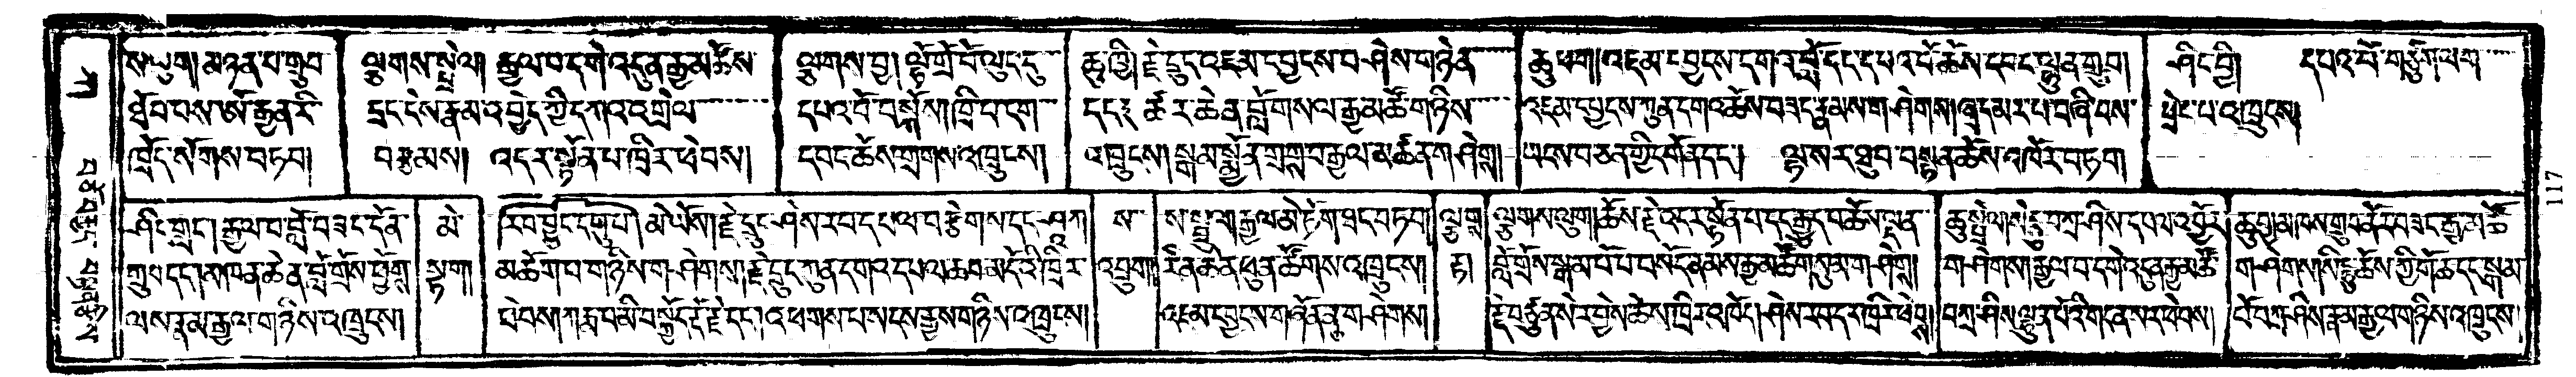ས་ཡུག །མཉན་པ་གྲུབ་ལྕགས་སྤྲེལ། རྒྱལ་བ་དགེ་འདུན་རྒྱ་མཚོས་ལྕགས་བྱ། ལྷོ་གྲོ་བོ་ལུང་དུ་ཆུ་ཁྱི། རྗེ་དྲུང་འཇམ་དབྱངས་བཤེས་གཉེན་ཆུ་ཕག། འཇམ་དབྱངས་དགའ་བློ་དང་དཔའ་བོ་ཆོས་དབང་ལྷུན་གྲུབ། ཤིང་བྱི། དཔའ་བོ་གཙུག་ལག་
ཐོབ་པས་ཨོ་རྒྱན་རི་དྲང་ངེས་རྣམ་འབྱེད་ཀྱི་དཀའ་འགྲེལ་དཔའ་བོ་བསྐོས། ཁྲི་པ་དག་དང་། ཚར་ཆེན་བློ་གསལ་རྒྱ་མཚོ་གཉིས་འཇམ་དབྱངས་ཀུན་དགའ་ཆོས་བཟང་རྣམས་གཤེགས། ཞད་མར་པ་བཞི་བས་འཕྲེང་པ་འཁྲུངས།
ཁྲོད་སོགས་བཏབ། བརྩམས། འདར་སྟོན་པ་ཁྲིར་ཕེབས། དབང་ཆོས་གྲགས་འཁྲུངས། འཁྲུངས། སྒམ་སྨྱོན་གྲགས་བ་རྒྱལ་མཚན་གཤེགས། ཡང་བཅན་གྱི་དགོན་དང་། ལྷ་སར་ཐུབ་བསྟན་ཆོས་འཁོར་བཏག་
ཤིང་གླང་། རྒྱལ་བ་བློ་བཟང་དོན་མེ་རབ་བྱུང་དགུ་པ་མེ་ཡོས། རྗེ་དྲུང་ཤེས་རབ་དང་ལ་བརྩེགས་དང་ཤཱཀ་ས་ས་སྦྲུལ། རྒྱལ་མེ་ཏོག་ཐང་བཏག་ལྕགས་ལྕགས་ལུག། ཆོས་རྗེ་འང་ར་སྟོན་པ་དང་རྒྱུད་པ་ཆོས་ལྡན་ཆུ་སྤྲེལ། སེདྷུ?་བཀྲ་ཤིས་དཔལ་འབྱོར་ཆུ་བྱ། མཁས་གྲུབ་ནོར་བཟང་རྒྱ་མཚོ་
གྲུབ་དང་། མཁན་ཆེན་བློ་གྲོས་ཕྱོགས་སྟག། མཆོག་པ་གཉིས་གཤེགས། རྗེ་དྲུང་ཀུན་དགའ་དཔལ་ཆབ་མདོའི་ཁྲིར་འབྲུག། རིན་ཆེན་ཕུན་ཚོགས་འཁྲུངས། རྟ། བློ་གྲོས་སྒམ་པོ་པ་བསོད་ནམས་རྒྱ་མཚོ་གསུམ་གཤེགས། གཤེགས། རྒྱལ་བ་དགེ་འདུན་རྒྱ་མཚོ་གཤེགས། སིདྷུ་ཆོས་ཀྱི་གོ་ཆ་དང་སྒམ་
ལས་རྣམ་རྒྱལ་གཉིས་འཁྲུངས། ཐེབས། ཀརྨ་པ་མི་བསྐྱོད་རྡོ་རྗེ་དང་། འཕགས་པ་སངས་རྒྱས་གཉིས་འཁྲུངས། འཇམ་དབྱངས་གཞོན་ནས་གཤེགས། རྗེ་བཙུན་སེར་བྱེས་ཆེས་ཁྲིར་འཁོད། ཤེས་རབ་དར་ཁྲིར་ཕེབས། བཀྲ་ཤིས་ལྷུན་པོའི་གདན་སར་འཕེབས། པོ་བཀྲ་ཤིས་རྣམ་རྒྱལ་གཉིས་འཁྲུངས་